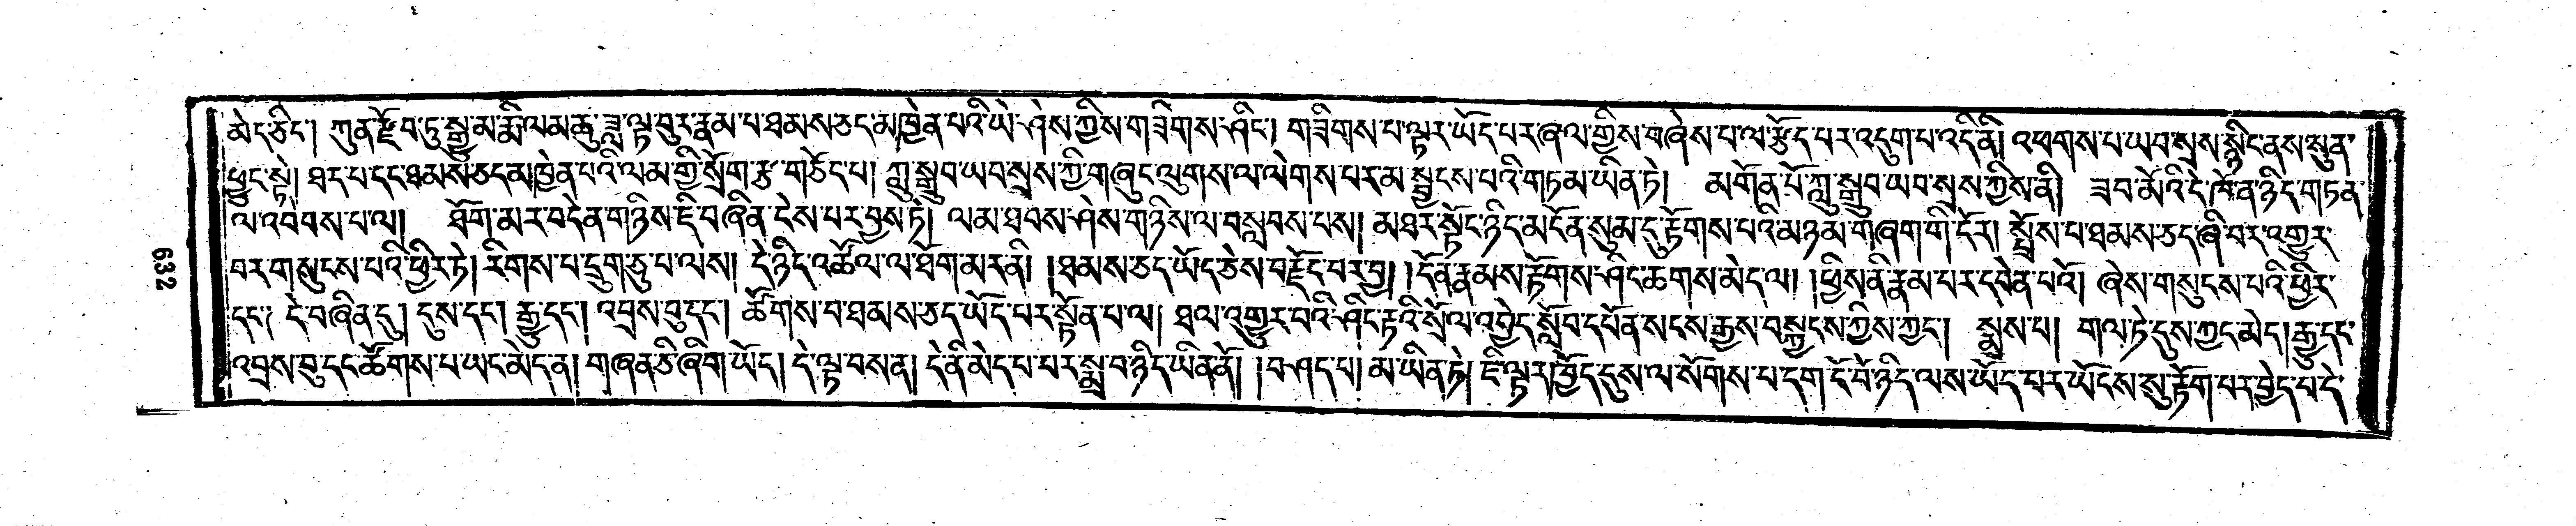མེད་ཅིང་། ཀུན་རྫོབ་ཏུ་སྒྱུ་མ་རྨི་ལམ་ཆུ་ཟླ་ལྟ་བུར་རྣམ་པ་ཐམས་ཅད་མཁྱེན་པའི་ཡེ་ཤེས་ཀྱིས་གཟིགས་ཤིང་། གཟིགས་པ་ལྟར་ཡོད་པར་ཞལ་གྱིས་བཞེས་པ་ལ་རྩོད་པར་འདུག་པ་འདི་ནི། འཕགས་པ་ཡབ་སྲས་སྙིང་ནས་སུན་
ཕྱུང་སྟེ། ཐར་པ་དང་ཐམས་ཅད་མཁྱེན་པའི་ལམ་གྱི་སྲོག་རྩ་གཅོད་པ། ཀླུ་སྒྲུབ་ཡབ་སྲས་ཀྱི་གཞུང་ལུགས་ལ་ལེགས་པར་མ་སྦྱངས་པའི་གཏམ་ཡིན་ཏེ། མགོན་པོ་ཀླུ་སྒྲུབ་ཡབ་སྲས་ཀྱིས་ནི། ཟབ་མོའི་དེ་ཁོ་ན་ཉིད་གཏན་
ལ་འབེབས་པ་ལ། ཐོག་མར་བདེན་གཉིས་ཇི་བཞིན་ངེས་པར་བྱས་ཏེ། ལམ་ཐབས་ཤེས་གཉིས་ལ་བསླབས་པས། མཐར་སྟོང་ཉིད་མངོན་སུམ་དུ་རྟོགས་པའི་མཉམ་གཞག་གི་ངོར། སྤྲོས་པ་ཐམས་ཅད་ཞི་བར་འགྱུར་
བར་གསུངས་པའི་ཕྱིར་ཏེ། རིགས་པ་དྲུག་ཅུ་པ་ལས། དེ་ཉིད་འཚོལ་ལ་ཐོག་མར་ནི། །ཐམས་ཅད་ཡོད་ཅེས་བརྗོད་པར་བྱ། །དོན་རྣམས་རྟོགས་ཤིང་ཆགས་མེད་ལ། །ཕྱིས་ནི་རྣམ་པར་དབེན་པའོ། ཞེས་གསུངས་པའི་ཕྱིར་
དང༑ དེ་བཞིན་དུ། དུས་དང་། རྒྱུ་དང་། འབྲས་བུ་དང་། ཚོགས་པ་ཐམས་ཅད་ཡོད་པར་སྟོན་པ་ལ། ཐལ་འགྱུར་བའི་ཤིང་རྟའི་སྲོལ་འབྱེད་སློབ་དཔོན་སངས་རྒྱས་བསྐྱངས་ཀྱིས་ཀྱང་། སྨྲས་པ། གལ་ཏེ་དུས་ཀྱང་མེད། རྒྱུ་དང་
འབྲས་བུ་དང་ཚོགས་པ་ཡང་མེད་ན། གཞན་ཅི་ཞིག་ཡོད། དེ་ལྟ་བས་ན། དེ་ནི་མེད་པ་པར་སྨྲ་བ་ཉིད་ཡིན་ནོ། །བཤད་པ། མ་ཡིན་ཏེ། ཇི་ལྟར་ཁྱོད་དུས་ལ་སོགས་པ་དག་ངོ་བོ་ཉིད་ལས་ཡོད་པར་ཡོངས་སུ་རྟོག་པར་བྱེད་པ་དེ་